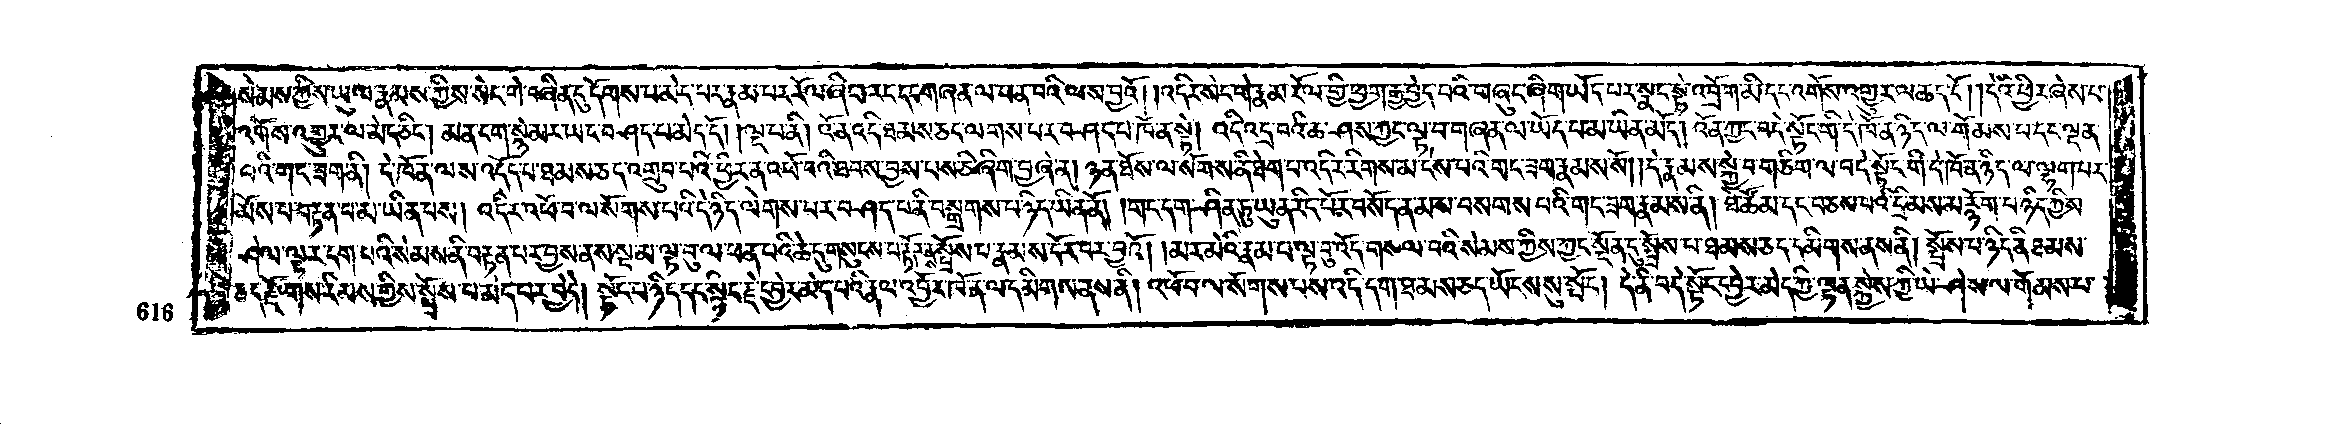སེམས་ཀྱིས་ཡུལ་རྣམས་ཀྱིས་སེང་གེ་བཞིན་དུ་དོགས་པ་མེད་པར་རྣམ་པར་རོལ་ཞིང་གཞན་ལ་ཕན་པའི་ལས་བྱའོ། །འདིར་སེང་གེ་རྣམ་རོལ་གྱི་ཕྱག་རྒྱ་བྱེད་པའི་གཞུང་ཞིག་ཡོད་པར་སྣང་སྟེ་འབྲོག་མི་དང་འགོས་འགྱུར་ལ་ཆད་དོ། །དེའི་ཕྱིར་ཞེས་པ་
འགོས་འགྱུར་ལ་མེད་ཅིང་། མན་ངག་སྙེ་མར་ཡང་བཤད་པ་མེད་དོ། །ལྔ་པ་ནི། འོ་ན་འདི་ཐམས་ཅད་ལགས་པར་བཤད་པ་ཁོ་ན་སྟེ། འདི་འདྲ་བའི་ཆ་ཤས་ཀྱང་ལྟ་བ་གཞན་ལ་ཡོད་པ་མ་ཡིན་མོད། འོན་ཀྱང་བདེ་སྟོང་གི་དེ་ཁོ་ན་ཉིད་ལ་གོམས་པ་དང་ལྡན་
པའི་གང་ཟག་ནི། དེ་ཁོ་ན་ལས་འདོད་པ་ཐམས་ཅད་འགྲུབ་པའི་ཕྱིར་ན་འཕོ་བའི་ཐབས་བྱས་པས་ཅི་ཞིག་བྱ་ཞེ་ན། ཉན་ཐོས་ལ་སོགས་པ་ནི་ཐེག་པ་འདིར་རིགས་མ་ངེས་པའི་གང་ཟག་རྣམས་སོ། །དེ་རྣམས་སྐྱེ་བ་གཅིག་ལ་བདེ་སྟོང་གི་དེ་ཁོ་ན་ཉིད་ལ་ལྷག་པར་
མོས་པ་བརྟན་པ་མ་ཡིན་པས། འདིར་འཕོ་བ་ལ་སོགས་པའི་དེ་ཉིད་ལེགས་པར་བཤད་པ་ནི་བསྒྲགས་པ་ཉིད་ཡིན་ནོ། །གང་དག་ཤིན་ཏུ་ཡུན་རིང་པོར་བསོད་ནམས་བསགས་པའི་གང་ཟག་རྣམས་ནི། ཐེ་ཚོམ་དང་བཅས་པའི་དྲི་མས་མ་རྙོག་པ་ཉིད་ཀྱིས་
ཤེལ་ལྟར་དག་པའི་སེམས་ནི་བརྟན་པར་བྱས་ནས་སྔ་མ་ལྟ་བུ་ལ་ཕན་པའི་ཆེ་དུ་གསུངས་པ་རྟོགས་ནས་སྤྲོས་པ་རྣམས་དོར་བར་བྱའོ། །མར་མེའི་རྣམ་པ་ལྟ་བུ་འོད་གསལ་བའི་སེམས་ཀྱིས་ཀྱང་སྔོན་དུ་སྤྲོས་པ་ཐམས་ཅད་དམིགས་ནས་ནི། སྤྲོས་པ་ཉིད་ནི་ཐམས་
ཅད་རྫོགས་རིམས་ཀྱིས་སྤྲོས་པ་མེད་པར་བྱེད་དེ། སྟོང་པ་ཉིད་དང་སྙིང་རྗེ་དབྱེར་མེད་པའི་རྣལ་འབྱོར་ཁོ་ན་ལ་དམིགས་ནས་ནི། འཕོ་བ་ལ་སོགས་པས་འདི་དག་ཐམས་ཅད་ཡོངས་སུ་སྤོང་། དེ་ནི་རྦྡེ་སྟོང་དབྱེར་མེད་ཀྱི་ལྷན་སྐྱེས་ཀྱི་ཡེ་ཤེས་ལ་གོམས་པ་